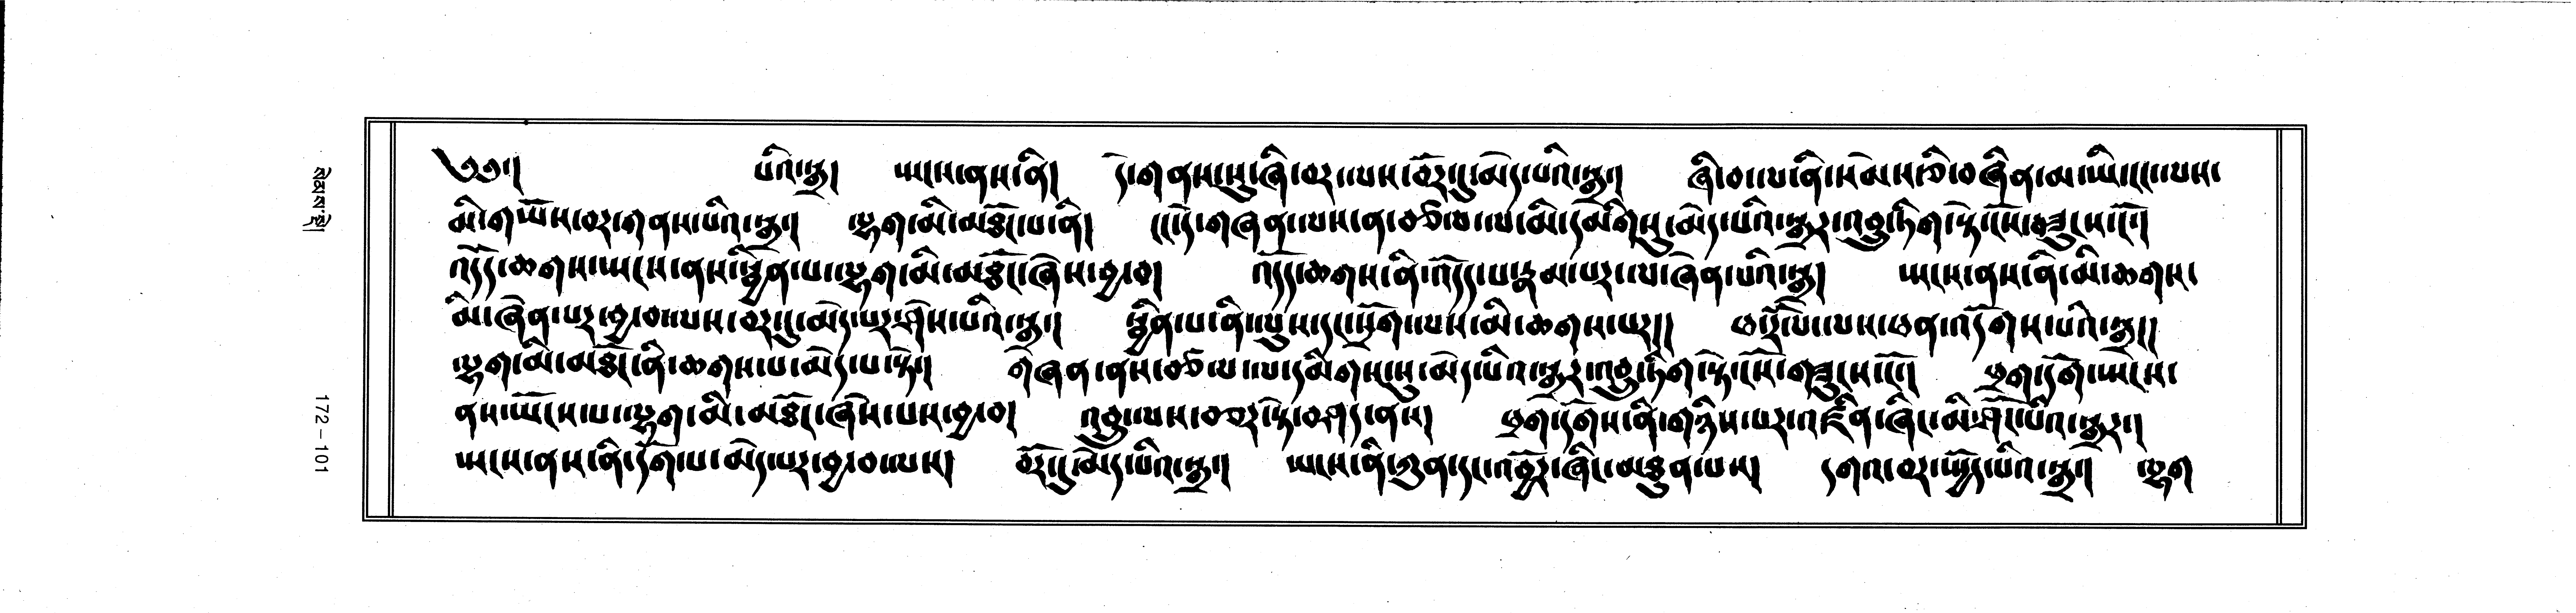པའི་སྒྲ། སྤངས་ནས་ནི། དེ་གནས་སུ་ཞི་བར་ལས་བོར་དུ་མེད་པའི་སྒྲ། ཞི་བ་ལ་ནི་སེམས་ཅི་བཞིན་མ་ཡི་ངང་ལས་
མི་གཡོས་བར་གནས་པའི་སྒྲ། ལྷག་མི་མཐོང་པ་ནི། ངང་དེ་གཞན་ལས་ན་བཙལ་ལ་མི་དམིགས་སུ་མེད་པའི་སྒྲར་འབྲུ་ཏིག་སྟེ་ངོས་བཟུངས་ངོ་། 
འདོད་ཆགས་སྤངས་ནས་སྦྱིན་པ་ལྷ་མི་མཐོང་ཞེས་བྱ་བ། འདོད་ཆགས་ནི་འདོད་པ་རྣམ་པར་ལ་ཞེན་པའི་སྒྲ། སྤངས་ནས་ནི་མི་ཆགས་
མི་ཞེན་པར་བྱ་བ་ལས་བར་དུ་མེད་པར་ཤེས་པའི་སྒྲ། སྦྱིན་པ་ནི་ལུས་དང་སྲོག་ལས་མི་ཆགས་པར། ཕ་རོལ་ལས་ཕན་འདོགས་པའི་སྒྲ། 
ལྷག་མི་མཐོང་ནི་ཆགས་པ་མེད་པ་སྟེ། གཞན་ནས་བཙལ་ལ་དམིགས་སུ་མེད་པའི་སྒྲར་འབྲུ་ཏིག་སྟེ་ངོས་གཟུངས་ངོ་། ཕྲག་དོག་སྤངས་
ནས་ཡོངས་པ་ལྷག་མི་མཐོང་ཞེས་པས་བྱ་བ། འབྲུ་ལས་བཅར་སྟེ་བཤད་ནས། ཕྲག་དོག་ནི་གཉིས་པར་འཛིན་ཞིང་མི་ཤོང་པའི་སྒྲར། 
སྤངས་ནས་ནི་དོག་པ་མེད་པར་བྱ་བ་ལས། བོར་དུ་མེད་པའི་སྒྲ། ཡངས་ནི་ཀུན་དང་འབྱོར་ཞིང་མཐུན་པས། དགའ་བར་སྤྱོད་པའི་སྒྲ། ལྷག་